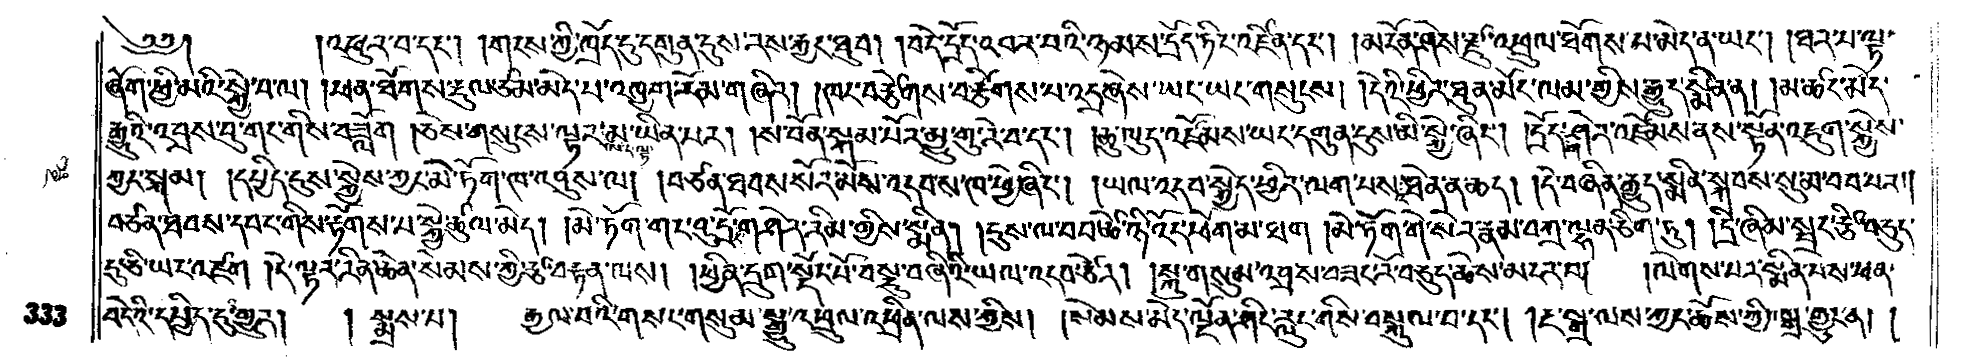༄༅། །འཕུར་བ་དང་། །གངས་ཀྱི་ཁྲོད་དུ་དགུན་དུས་རས་རྐྱང་ཐུབ། །བདེ་དྲོད་འབར་བའི་ཉམས་དྲོད་ཏིང་འཛིན་དང་། །མངོན་ཤེས་རྫུ་འཕྲུལ་ཐོགས་པ་མེད་ན་ཡང་། །ཐར་པ་ལྟ་
ཞོག་ཕྱི་མའི་སྐྱེ་བ་ལ། །ཕན་ཐོགས་རྡུལ་ཙམ་མེད་པ་འཁྱག་རོམ་བཞིར། །ཁང་བརྩེགས་བརྩེགས་པ་འདྲ་ཞེས་ཡང་ཡང་གསུངས། །དེའི་ཕྱིར་ཐུན་མོང་ལམ་གྱིས་རྒྱུད་སྨིན་ན། །མ་ཚང་མེད་
རྒྱུའི་འབྲས་བུ་གང་གིས་བཟློག །ཅེས་གསུངས་ལྟར་ལ་དེ?་ལྟ་མ་ཡིན་པར། །ས་བོན་སྐམ་པོར་མྱུ་གུ་རེ་བ་དང་། །ཆུ་ལུད་འཛོམས་ཡང་དགུན་དུས་མི་སྐྱེ་ཞིང་། །དྲོད་གཤེར་འཛོམས་ནས་སྟོན་འཇུག་སྐྱེས་
ཀྱང་སྐམ། །དཔྱིད་དུས་སྐྱེས་ཀྱང་མེ་ཏོག་ཁ་འབུས་ལ། །བཙན་ཐབས་སོར་མོས་འདབས་ཁ་ཕྱེ་ཞིང་། །ཡལ་འདབ་སྐྱེད་ཕྱིར་ལག་པས་འ་ཐེན་ན་ཆད། །དེ་བཞིན་རྒྱུད་སྨིན་སྐབས་སུ་མ་བབ་པར། །
བཙན་ཐབས་དབང་གིས་རྟོགས་པ་སྐྱེ་ཚུལ་མེད། །མེ་ཏོག་གང་བུ་དྲོད་གཤེར་རིམ་གྱིས་སྨིན། །དུས་ལ་བབ་ཚེ་ཉི་འོད་ཕོག་མ་ཐག །མེ་ཏོག་གེ་སེར་རྣམ་བཀྲ་ལྷན་ཅིག་ཏུ། །དྲི་ཞིམ་སྦྲང་རྩི་བཅུད་
དུ་ཅི་ཡང་འཛག །དེ་ལྟར་རིན་ཆེན་སེམས་ཀྱི་རྩ་བརྟན་ལས། །ཕྱིན་དྲུག་སྡོང་པོ་བསྡུ་བཞིའི་ཡལ་འདབ་རྩེར། །སྐུ་གསུམ་འབྲས་བཟང་རོ་བཅུད་ཆེས་མངར་བ། །ལེགས་པར་སྨིན་པས་ཕན་
བདེའི་དཔྱིད་དུ་འགྱུར། །སྨྲས་པ། རྒྱལ་བའི་གསང་གསུམ་སྒྱུ་འཕྲུལ་འཕྲིན་ལས་ཀྱིས། །སེམས་མེད་ལྔོན་ཤིང་རླུང་གིས་བསྐུལ་བ་དང་། །རྔ་སྒྲ་ལས་ཀྱང་ཆོས་ཀྱི་སྒྲ་གྱུར་ན། །